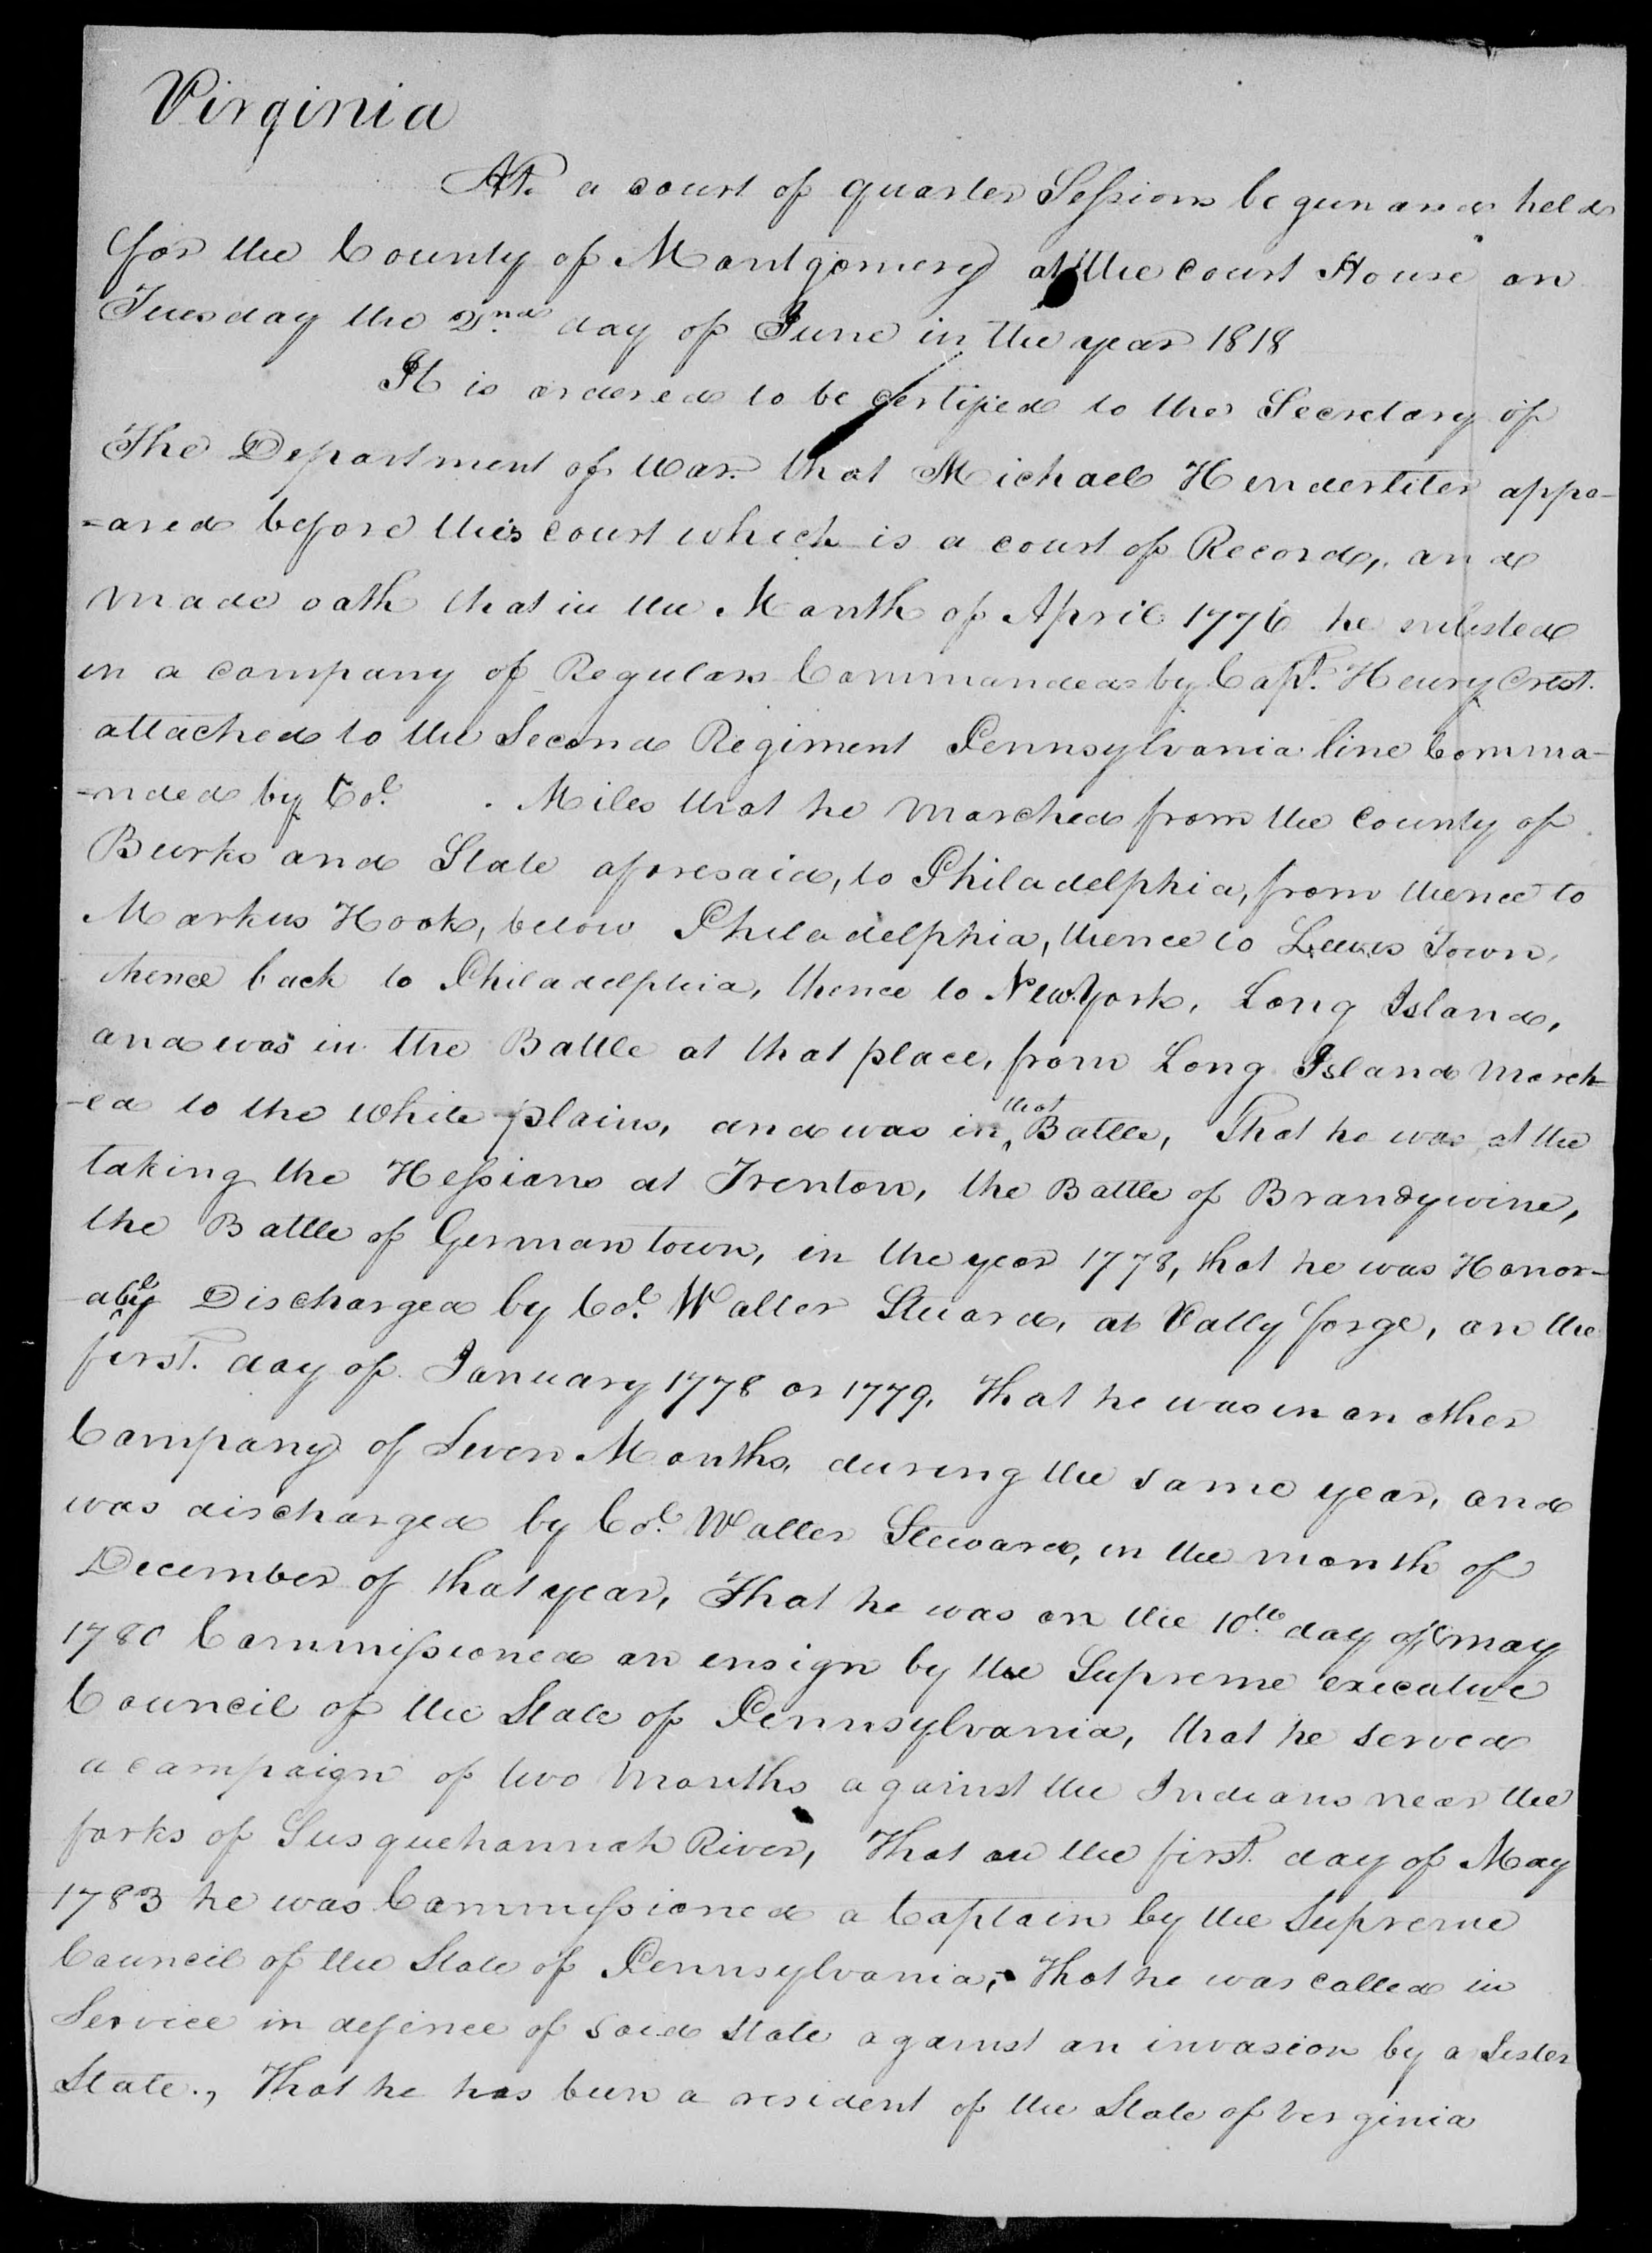Virginia
 At a court of quarter Sessions begun and held for the County of Montgomery at the court House on Tuesday the 2nd day of June in the year 1818
It is ordered to be certified to the Secretary of The Department of War, that Michael Henderliter appeared before this court which is a court of Record, and made oath that in the month of April 1776 he enlisted in a company of Regulars Commanded by Capt. Henry Crest attached to the Second Regiment Pennsylvania line Commanded by Col.   Miles that he marched from the county of Berks and State aforesaid, to Philadelphia, from whence to Markus Hook, below Philadelphia, whence to Lewis Town, thence back to Philadelphia, whence to New York, Long Island and was in the Battle at that place from Long Island marched to the white Plains, and was in that Battle, That he was at the taking the Hessians at Trenton, the Battle of Brandywine, the Battle of Germantown, in the year 1778, that he was Honorably Discharged by Col. Walter Stuard, at Valley Forge, and the first day of January 1778 or 1779. That he was in an other Company of Seven Months during the same year and was discharged by Col. Walter Stuart, in the month of December of that year, That he was on the 10th day of May 1780 Commissioned an ensign by the Supreme executive Council of the State of Pennsylvania, that he served a campaign of two months against the Indians near the forks of the Susquehanna River, That on the first day of May 1783 he was Commissioned a Captain by the Supreme Council of the State of Pennsylvania, That he was called in Service in defiance of Said State against an invasion by a Sister State, That he has been a resident of the State of Virginia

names: Miles, Walter Stuard, Walter Steward, Henry Crest, Michael Henderliter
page: 4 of 15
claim: survivor's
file: S. 38016, Michael Henderliter, Penn.